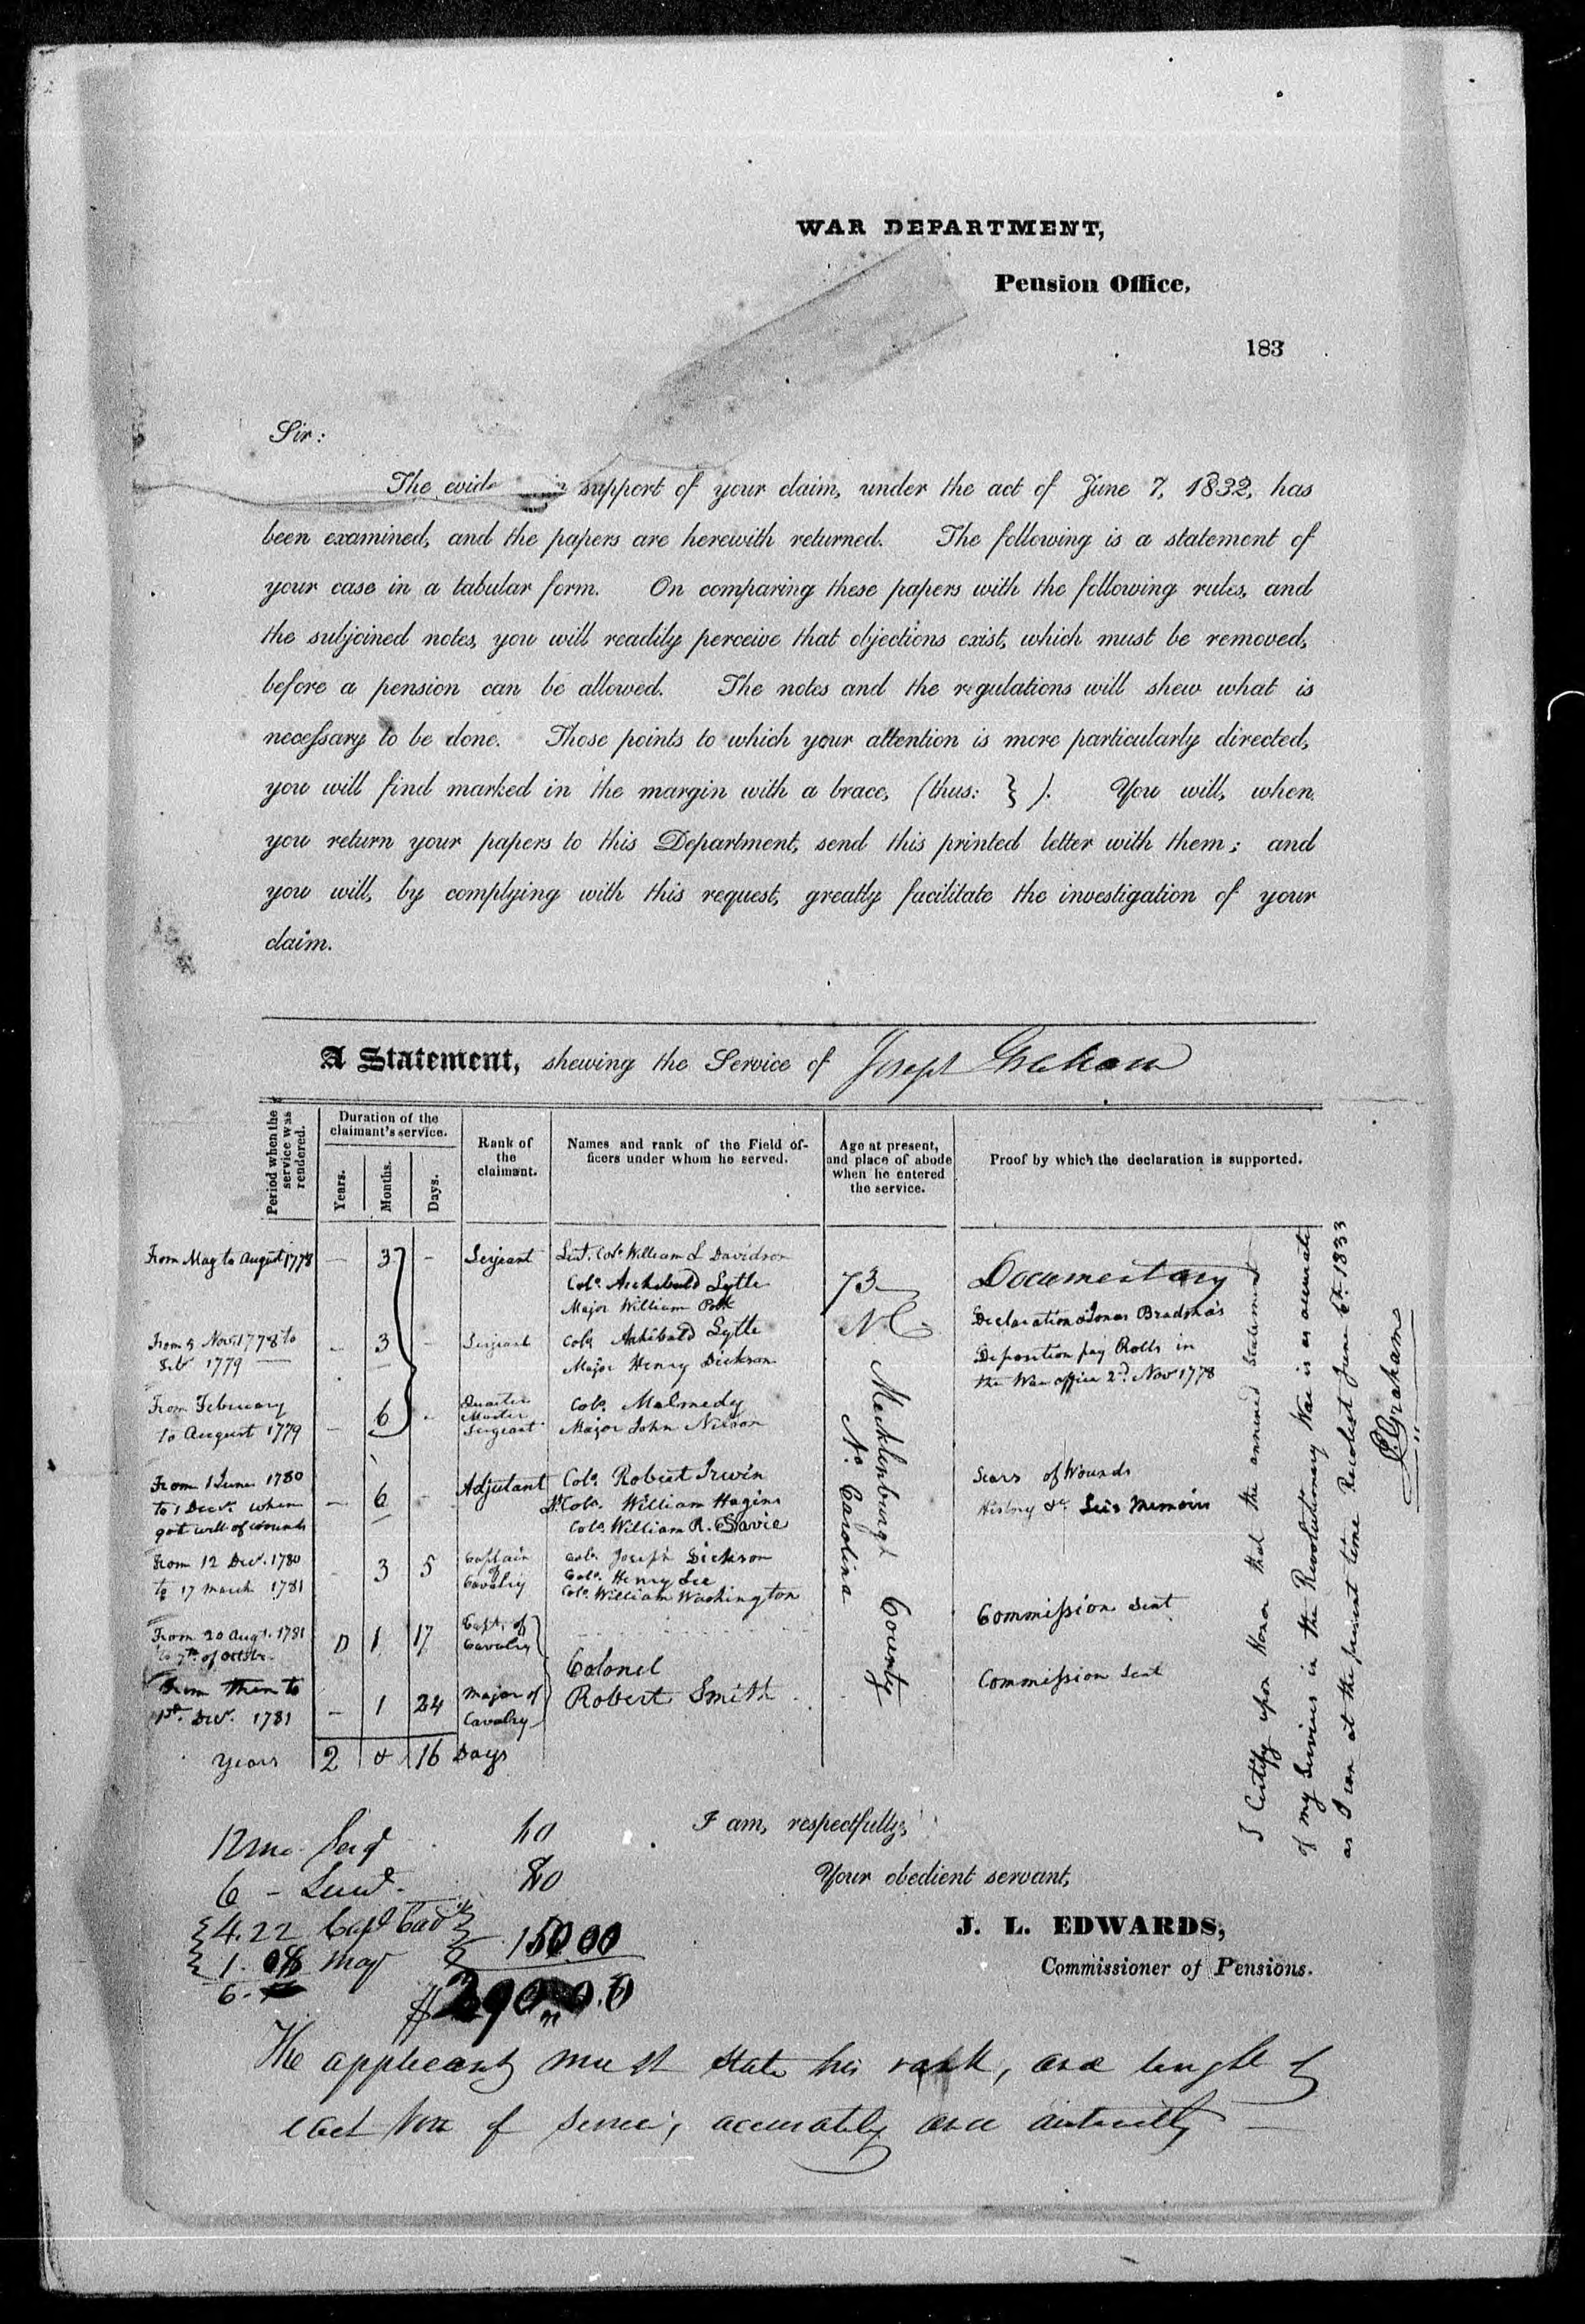WAR DEPARTMENT,
Pension Office,
183

Sir:

The evidence in support of your claim, under the act of June 7, 1832, has been examined, and the papers are herewith returned. The following is a statement of your case in a tabular form. On comparing these papers with the following rules, and the subjoined notes, you will readily perceive that objections exist, which must be removed, before a pension can be allowed. The notes and the regulations will shew what is necessary to be done. Those points to which your attention is more particularly directed, you will find marked in the margin with a brace, (thus: } ). You will, when you return your papers to this Department, send this printed letter with them; and you will, by complying with this request, greatly facilitate the investigation of your
claim.
A Statement, shewing the Service of Joseph Graham

[Headings]
From May to August 1778 | {3 Mos. } | Sergeant | Lieut. Col. William L. Davidson, Col. Archabald Lytle and Major William Polk | 73 - N.C. Mecklenburgh County No. Carolina | Documentary - Declaration of Jonas Bradshaw's, Deposition pay Rolls in the War Office 2nd Nov. 1778

From 5 Nov, 1778 to Feb. 1779 | {3 .} | Sergent | Col. Archibald Ltle, Major Henry Dickson | [blank] | [blank]

From February to August 1779 | {6 mos.} | Quarter Master Sergeant | Col. Maledy, Major John Nelson | [blank] | 

From 1 June 1780 to 1 Dec'r. when got well of wounds | 6 mos. | Adjutant | Col. Robert Irwin, Lt. Col. William Hagins, Col. William R. Davie | [blank] | Scars of Wounds, History &c Lee's Memoirs

From 12 Dec. 1780 to 17 March 1781 | 3 mos. 5 days | Captain of Cavalry | Col. Joseph Dickson, Co. Henry Lee, Col. William Washington | [blank] | [blank]

From 20 Aug't. 1781 | 1 mos. 17 days | {Capt. of Cavalry } | Col. Robert Smith | [blank] | Commission Sent

From then to 1st Dec. 1781 | 1 mos. 24 days | {Major of Cavalry} | Col. Robert Smith | [blank] | Commissioner Sent

Years | 2 yrs. 16 days |

12 mo Serg't. 60
6 mo Lieut.     80
{4.22 Capt. Cav.}
{1.08 Maj. }    150.00 = 
$290.00

The applicant must state his rank and length of each term of service; accuratly and distinctly -

I am, respectfully,
Your obedient servant,

J. L. EDWARDS,
Commissioner of Pensions.

I certify upon Honor that the annexed statement of my services in the Revolutionary War is as accurate as I can at the present time recollect June 6th 1833.
J. Graham
[Signature]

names: Joseph Graham, Archibald Lytle, William R Davie, William Polk, William Hagins, Malmedy, Henry Lee, William Washington, Robert Smith, John Nelson, William L Davidson, J Graham, J L Edwards, Archibald Lytle, Robert Irwin, Joseph Dickson, Henry Dickson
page: 19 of 55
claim: survivor's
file: S. 6,937, Joseph Graham, N.C.